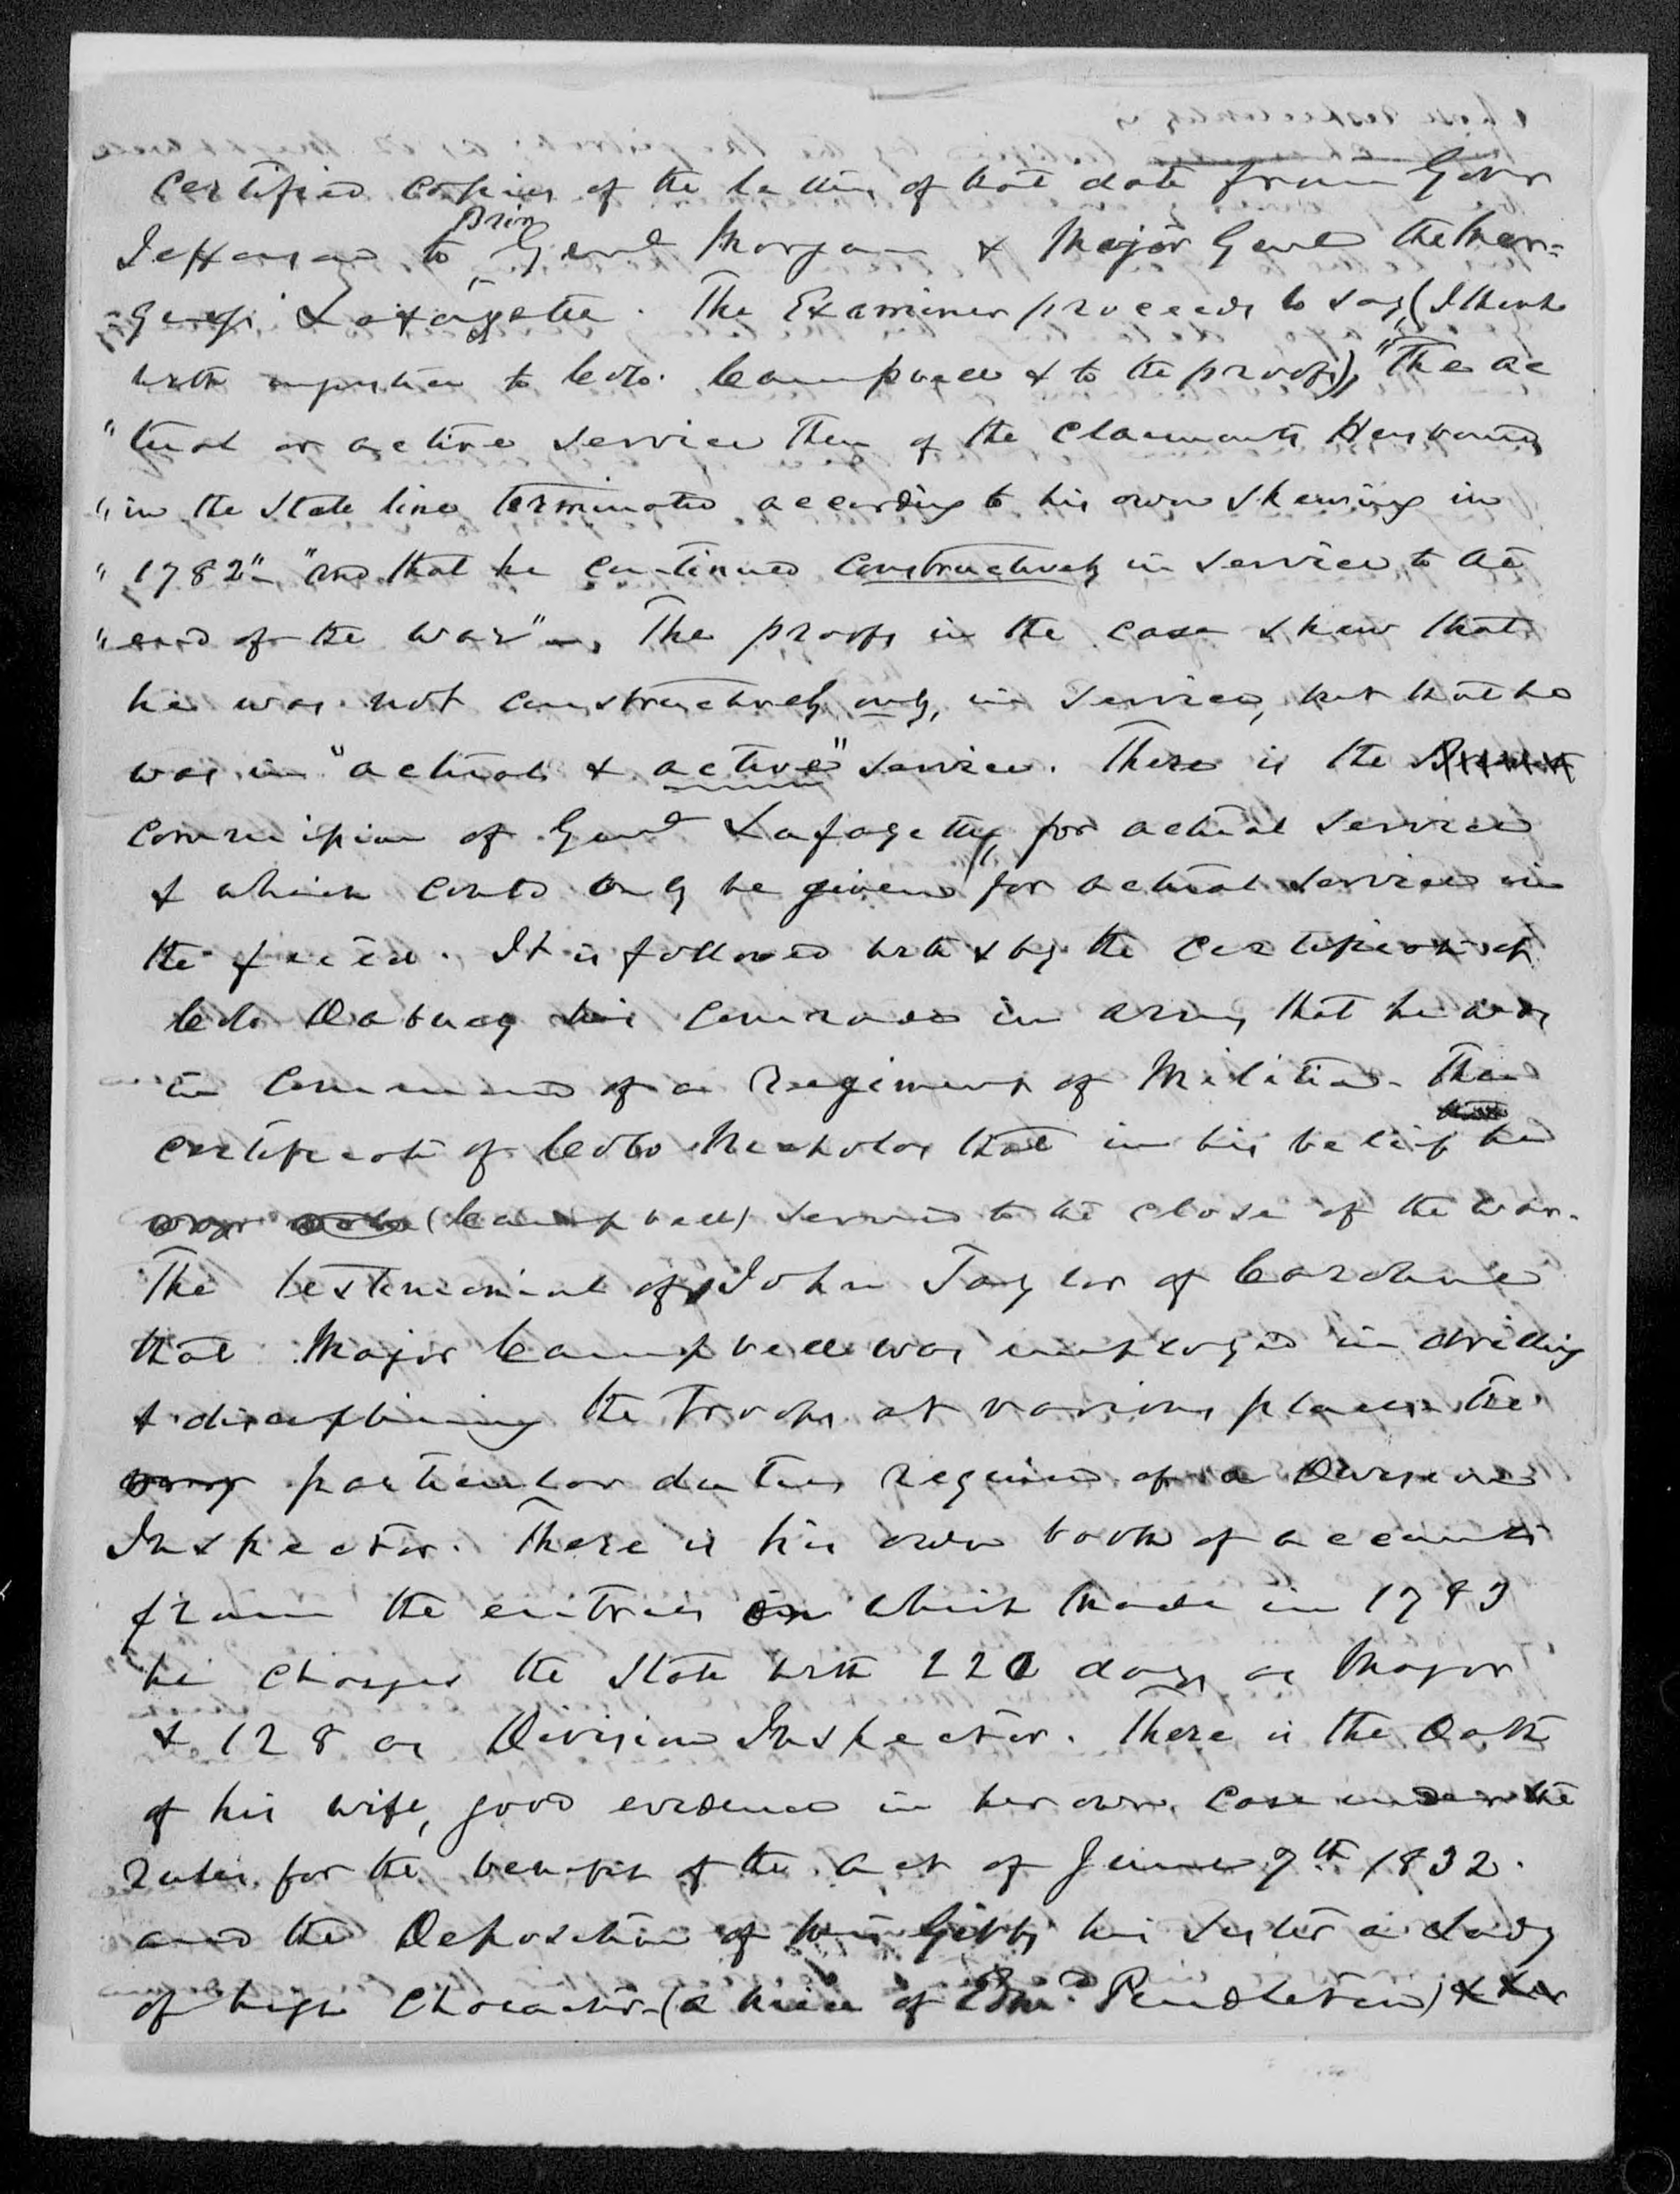Certified Copies of the letter of that date from Govr Jefferson, to Brim Genl Morgan & Major Genl the Marquis Lafayette. The Examiner proceeds to say (I think with importance to Colo. Campbell & to the proof), "The actual or active service Then of the Claimants Husband in the State line terminated according to his own Showing in 1782" - "and that he continued constructively in service to the end of the war"-, The proofs in the case show that he was not constructively only, in Service, but that he was in "actual & active" Service. There is the Commission of Genl Lafayette, for actual service & which could only be given for actual service in the field. It is followed with & by the Certificates of Colo Dabney his Comrade in arms that he was in Command of a regiment of Militia - That certificate of Colo Nicholas those in his belief he (Campbell) served to the close of the war. The testimonial of John Taylor of Caroline that Major Campbell was conscribed in drilling & disbanding the Troops at various places, the particular dates required owes the Inspector. There is his own book of accounts & shows the entries on which made in 1783 he charges the State with 220 days as Major & 128 as Division Inspector. There is the Oath of his wife, good evidence in her own Case under the rules for the benefit of the Act of June 7th 1832. and the Deposition of Mrs Gibbs his Sister a Lady of high Character - (a widow of the Revolution)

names: John Taylor, Gibbs, Jefferson, Nicholas, Campbell, Lafayette, Dabney, Campbell, Lafayetty, Morgan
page: 229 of 267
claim: widow's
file: W. 4,149, William Campbell, Va.